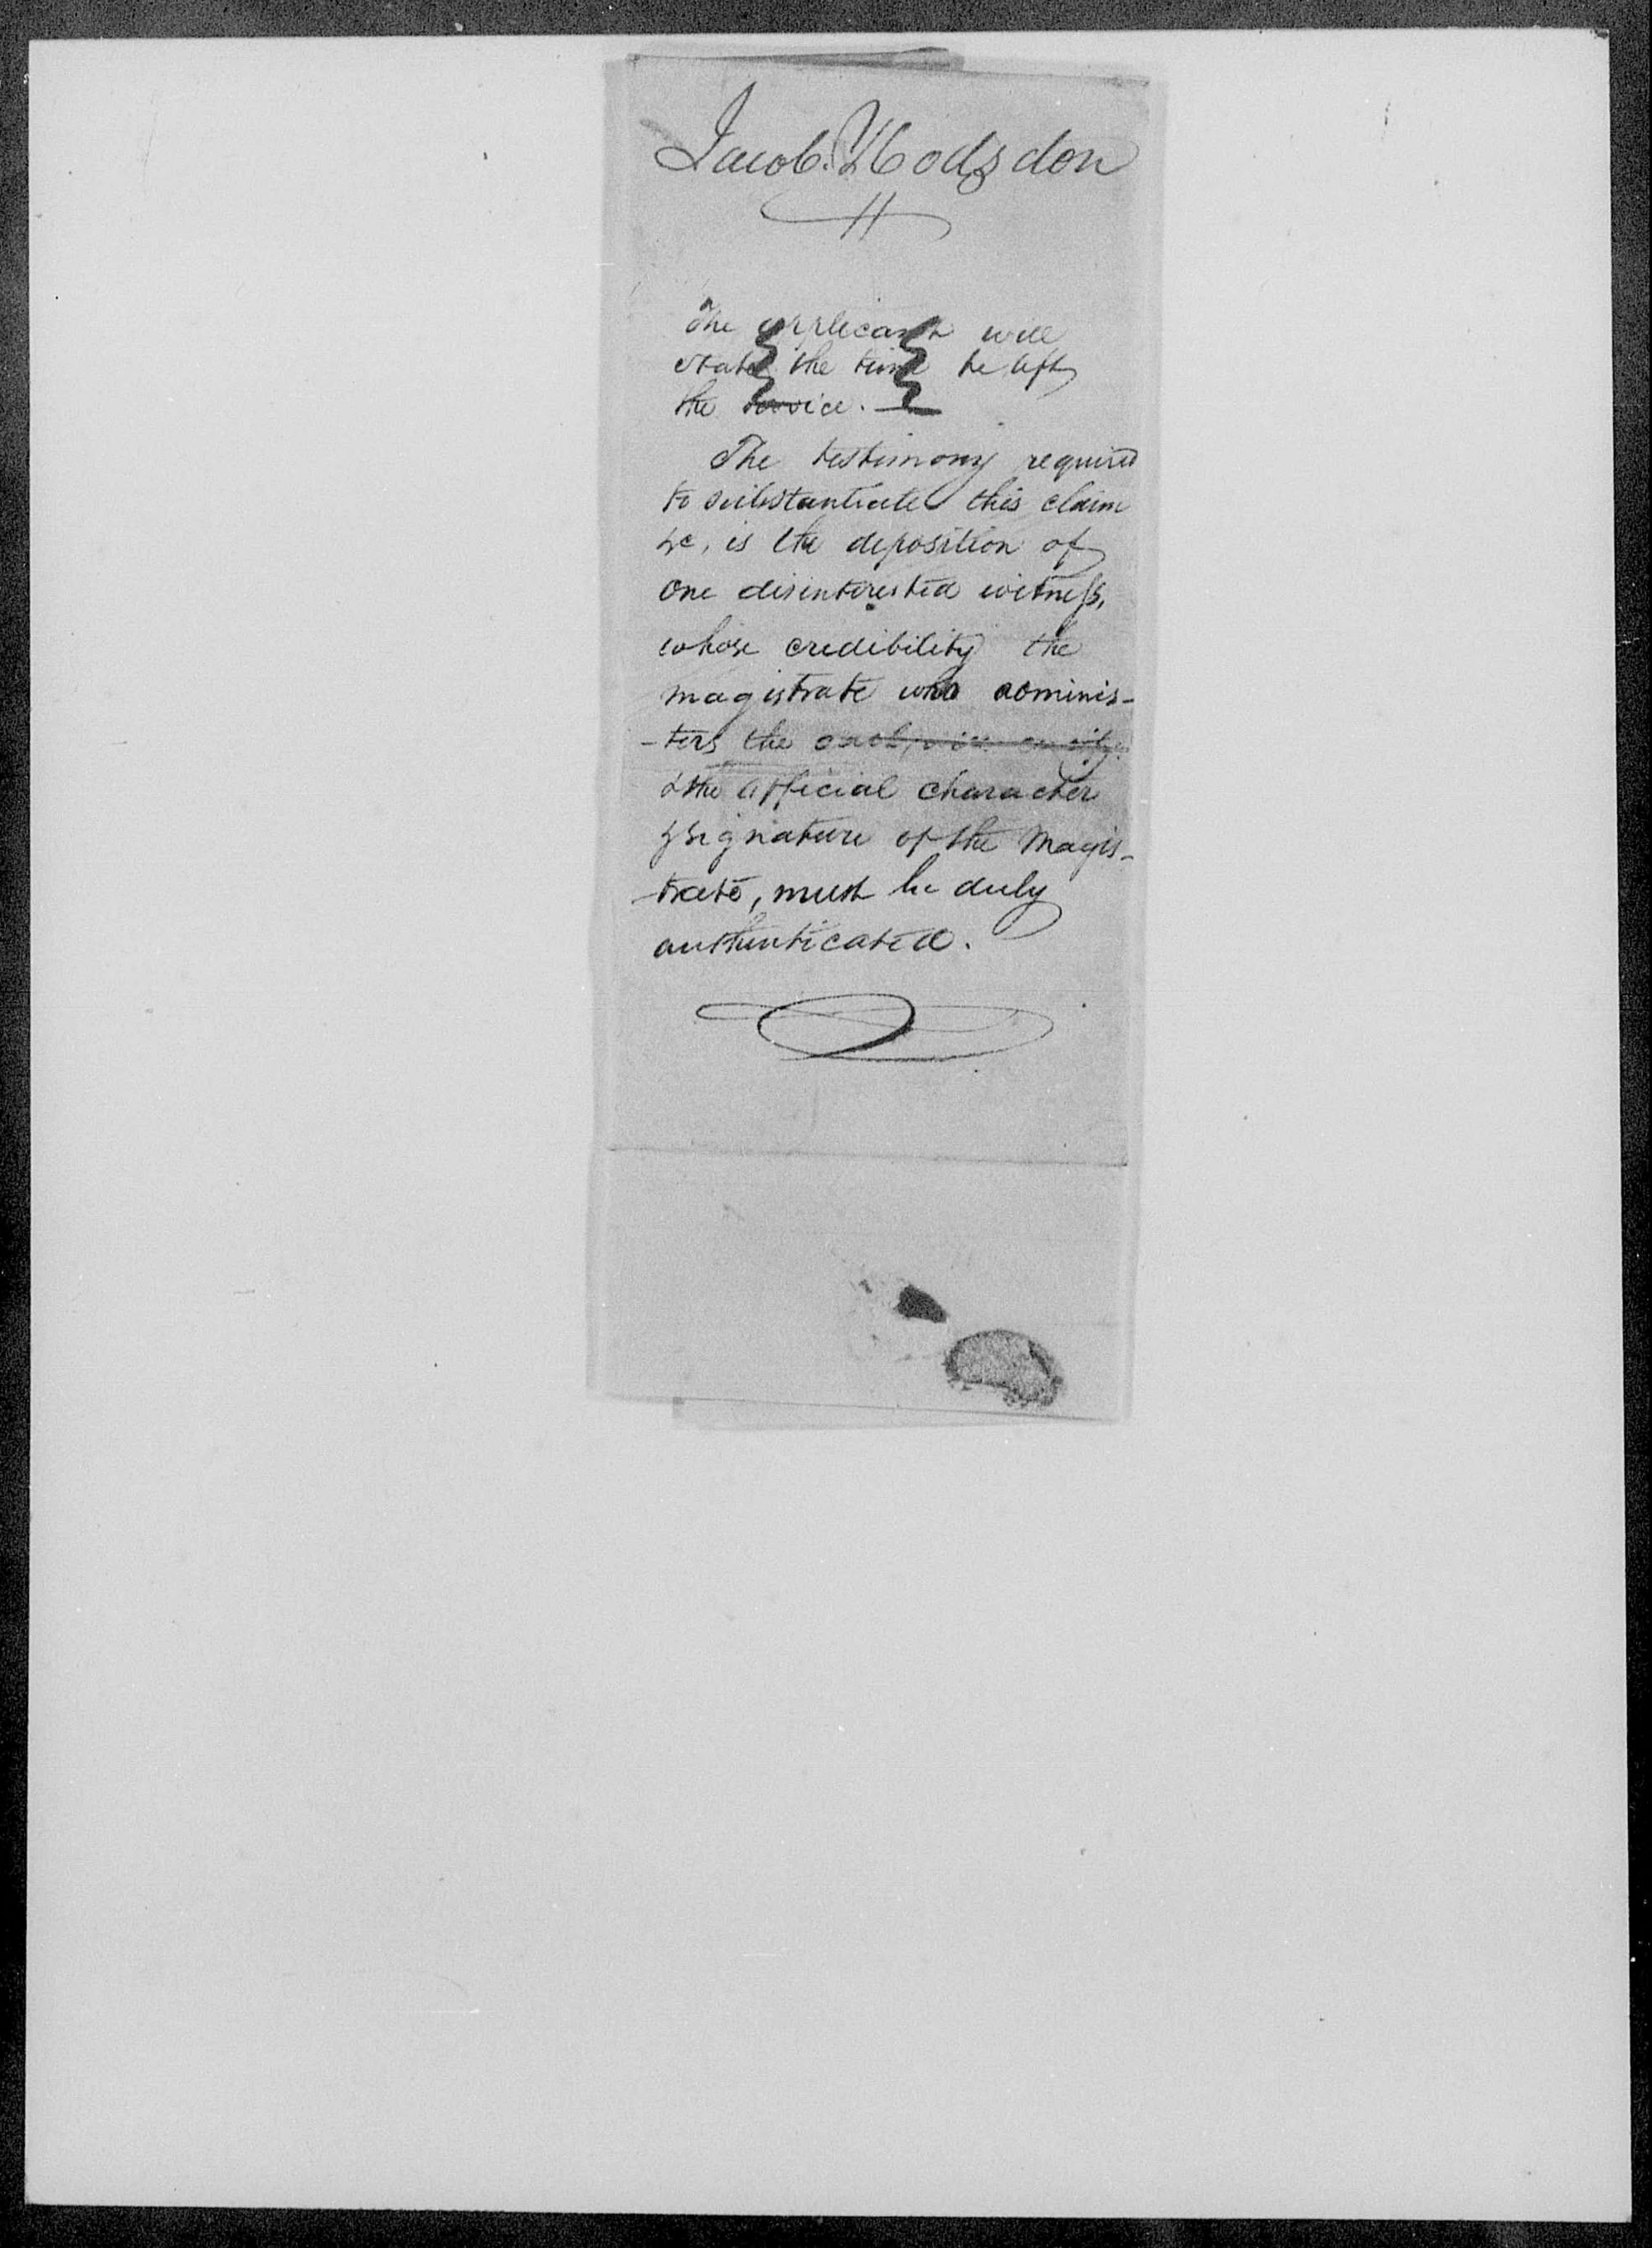Jacob Hodsdon

[Crossed out - The applicant will state the time he left the service.]

The testimony required to substantiate this claim etc, is the deposition of one disinterested witness, whose credibility the magistrate who administers the official character signature of the magistrate, must be duly authenticated.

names: Jacob Hodsdon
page: 12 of 22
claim: survivor's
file: S 44445, Jacob Hodsdon, Mass.